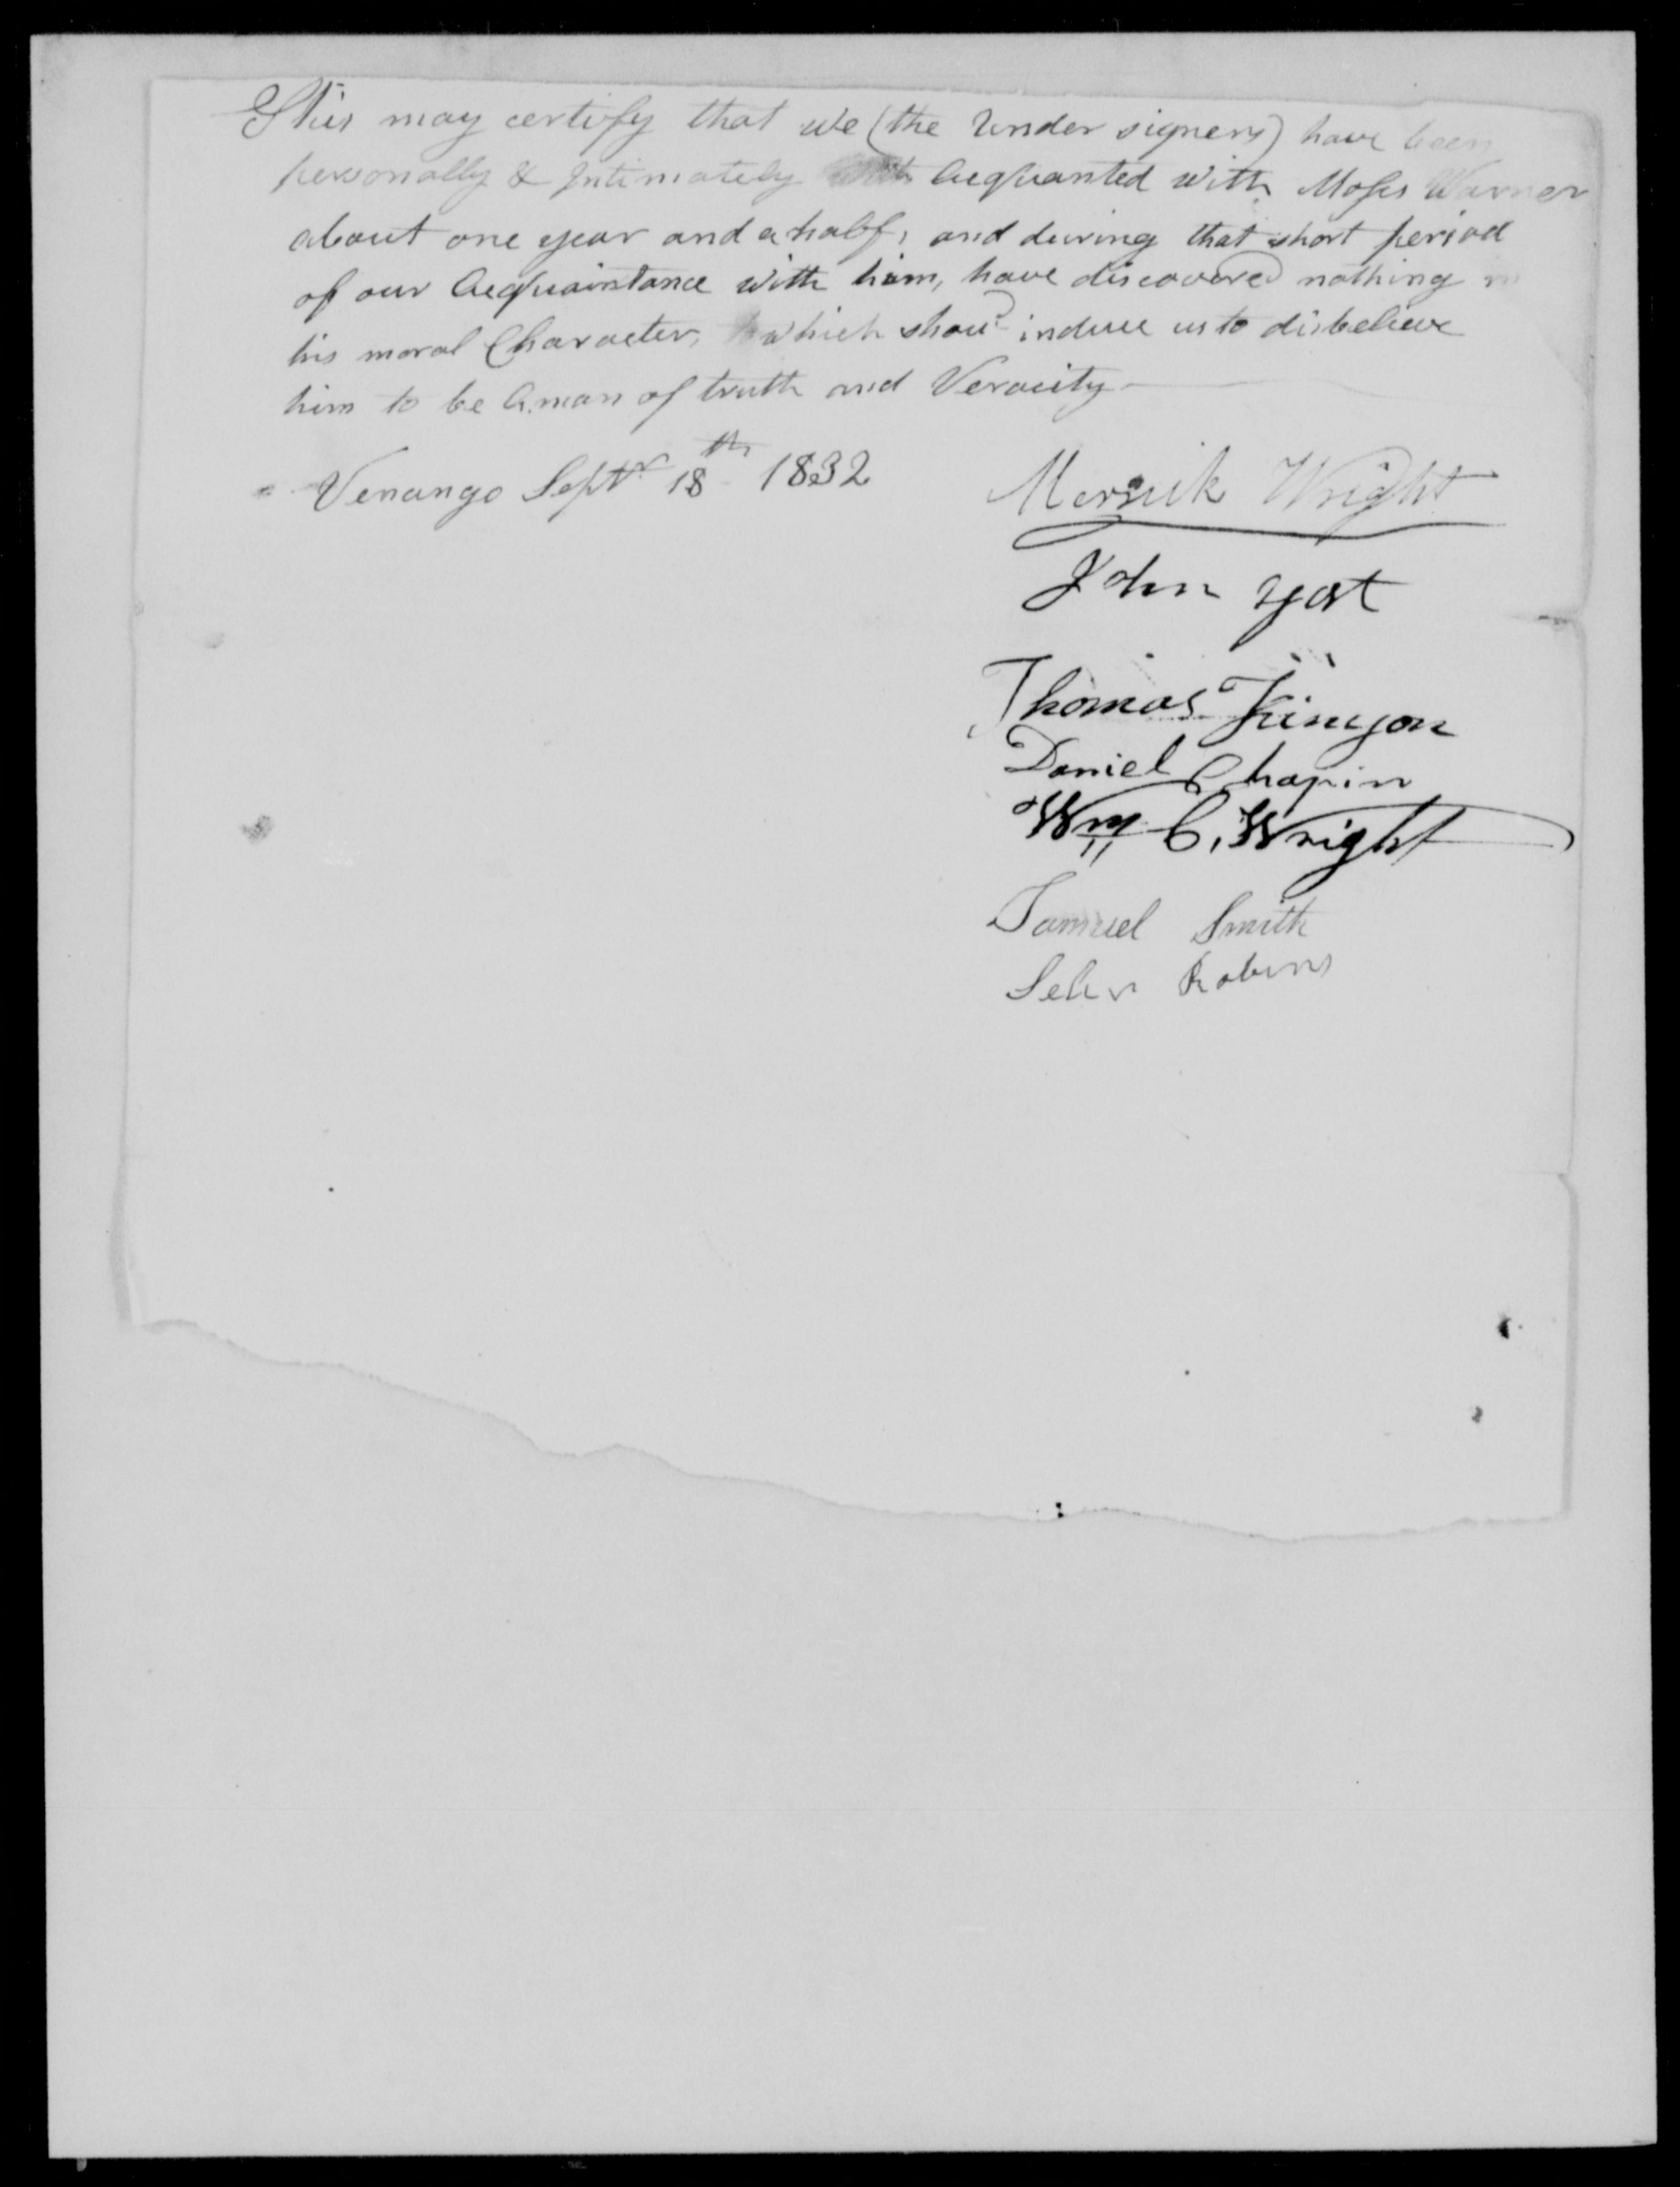This may certify that we (the under signers) have been personally & intimately acquainted with Moses Warner about one year and a half, and during that short period of our acquaintance with him, have discovered nothing in his moral character which should induce us to disbelieve him to be a man of truth and veracity.

Venango   Sept 18th 1832

Merrick Wright
John Yest
Thomas Kinyon
Daniel Chapin
Wm C. Wright
Samuel Smith
Selin Robins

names: Moses Warner, Merrick Wright, Thomas Kinyon, Wm C Wright, John Yest, Samuel Smith, Daniel Chapin, Selin Robins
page: 25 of 40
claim: widow's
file: W. 3742, Moses Warner, Conn.